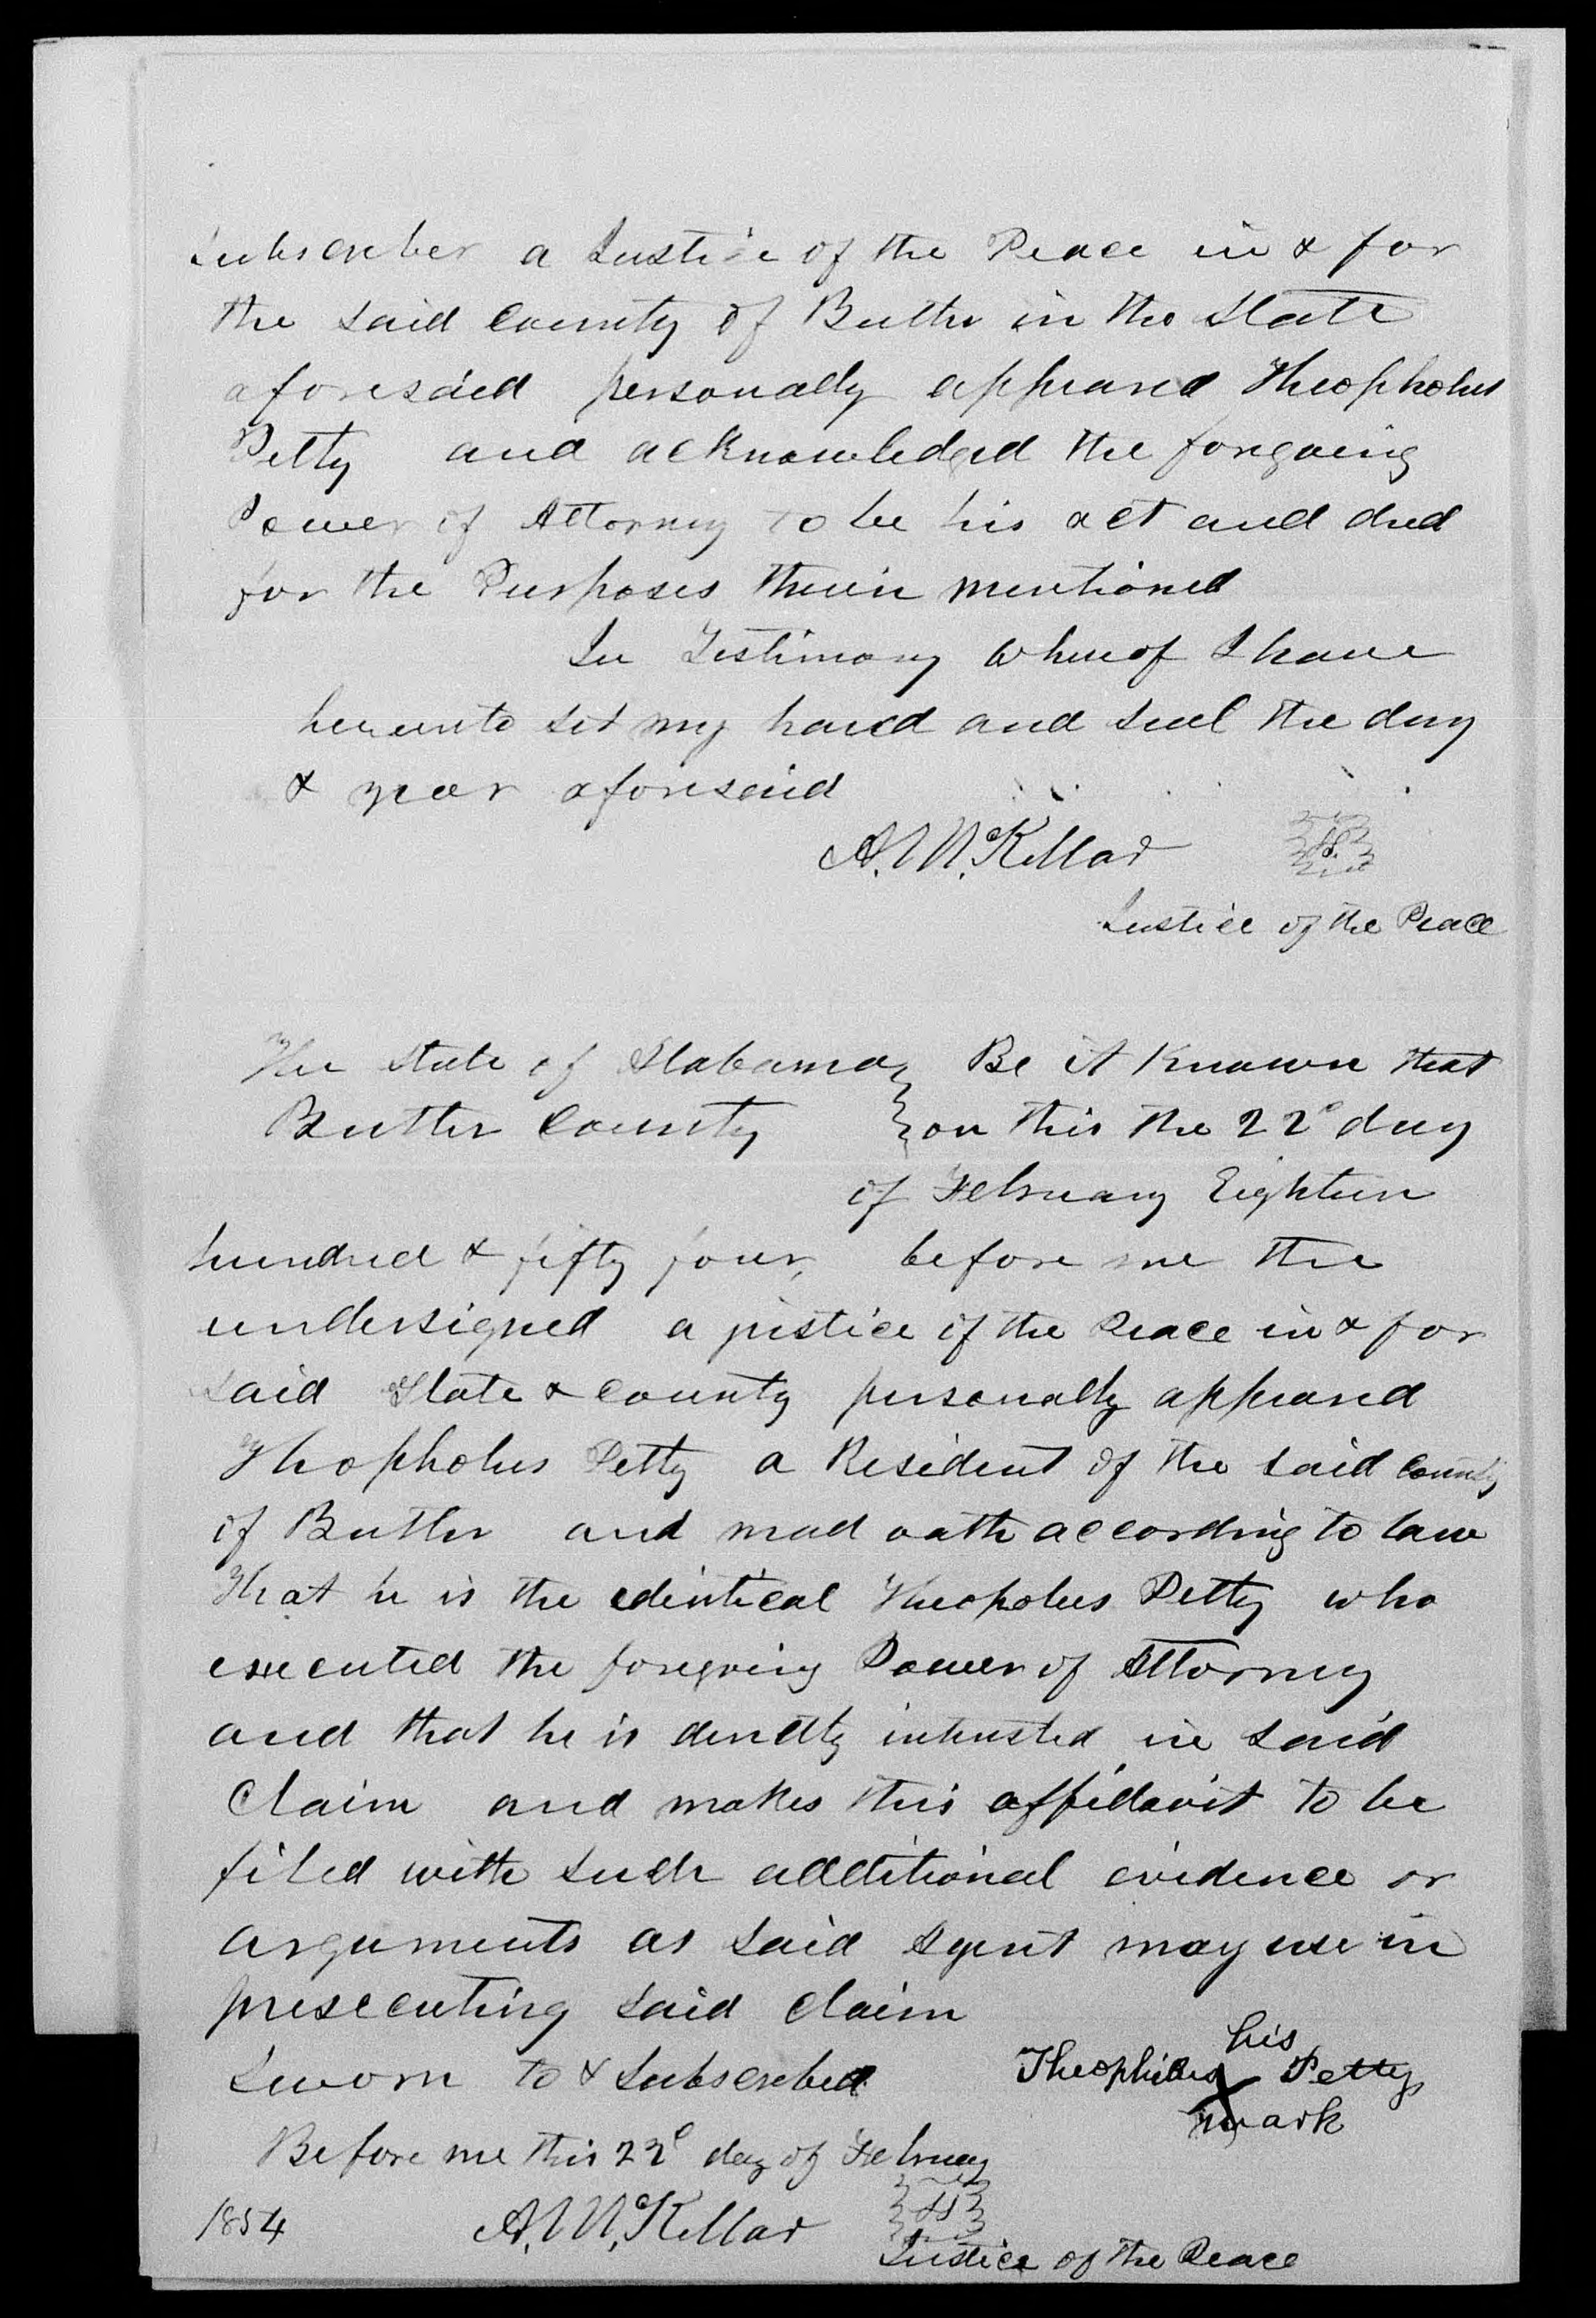subscriber a justice of the peace in & for the said county of Butler in the state aforesaid personally appeared Theopholus Petty and acknowledged the forgoing power of Attorney to be his act and deed for the purposes therein mentioned
In Testimony whereof I have hereunto set my hand and seal the day & year aforesaid 
AM Kellar JP
Justice of the Peace

The state of Alabama
Butler County } Be it known that on this the 22d day of February Eighteen hundred & fifty four before me the undersigned a justice of the peace in & for said state & county personally appeared Theopholus  Petty a resident of the said county of Butler and made oath according to law that he is the identical Theopholus  Petty who executed the foregoing power of attorney and that he is directly interested in said claim and makes this affidavit to be filed with such additional evidence or arguments as said agent may use in prosecuting said claim Theophilus Petty
his X mark
sworn to & subscribed Before me this 22d day of February 1854
AM Kellar JP
Justice of the Peace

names: A Mc Kellar; Theopholus Petty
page: 25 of 26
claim: rejected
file: R. 8,161, for Theophilus Petty, South Carolina